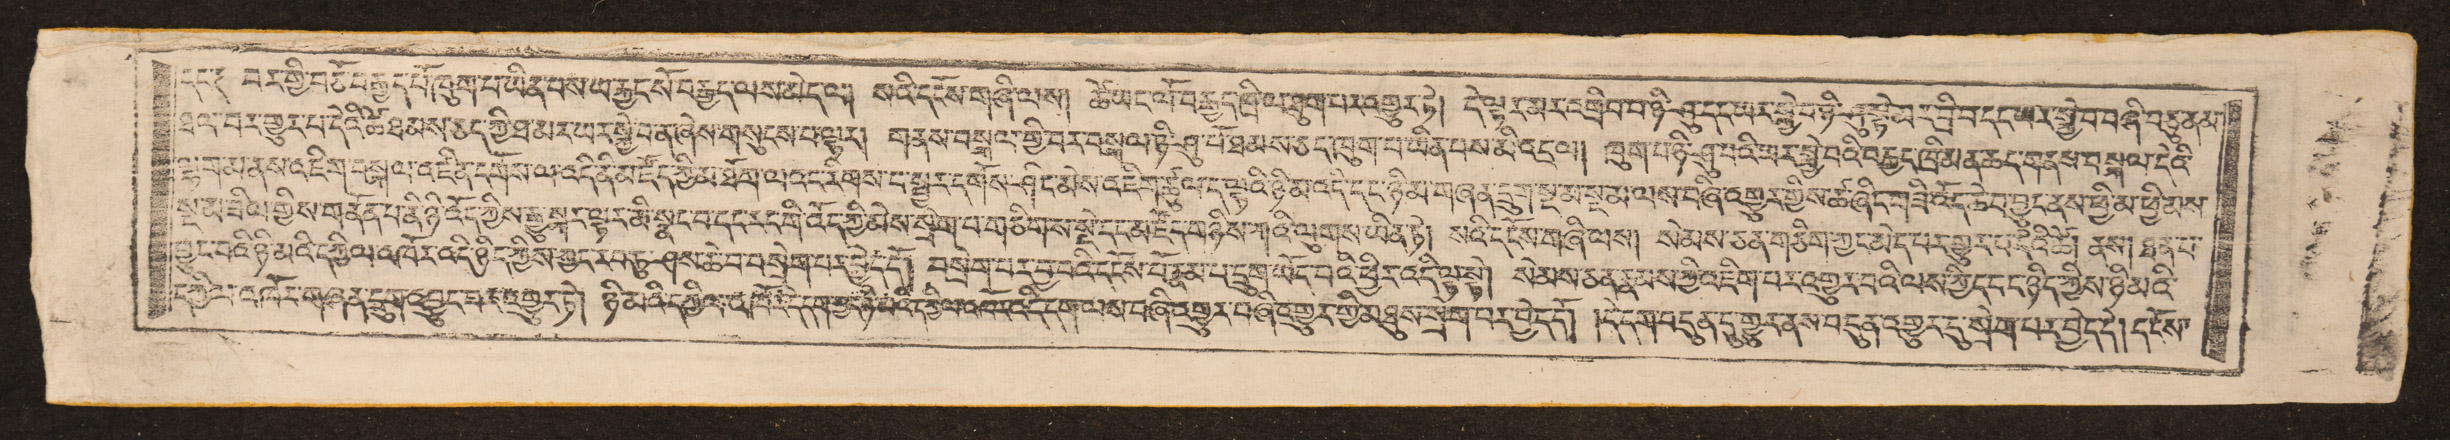དང༑ བར་གྱི་བཅོ་བརྒྱད་པོ་ཁུག་པ་ཡིན་པས་ཡ་རྐྱང་སོ་བརྒྱད་ལས་མེད་ལ། སའི་དངོས་གཞི་ལས། ཚེ་ཡང་ལོ་བརྒྱད་ཁྲི་ལ་ཐུག་པར་འགྱུར་ཏེ། དེ་ལྟར་མར་འགྲིབ་པ་ཉི་ཤུ་དང་ཡར་སྐྱེ་བ་ཉི་ཤུ་སྟེ་མར་བྲི་བ་དང་ཡར་སྐྱེ་བ་བཞི་བཅུ་ནམ་
ཐལ་བར་གྱུར་པ་དེའི་ཚེ་ཐམས་ཅད་ཀྱི་ཐ་མར་ཡར་སྐྱེ་བ་ན་ཞེས་གསུངས་པ་ལྟར། གནས་བསྐལ་གྱི་བར་བསྐལ་ཉི་ཤུ་པོ་ཐམས་ཅད་ཁུག་པ་ཡིན་པས་མི་འདྲ་ལ། ཁུག་པ་ཉི་ཤུ་པའི་ཡར་སྐྱེ་བའི་བརྒྱད་ཁྲི་མན་ཆད་གནས་བསྐལ་དེའི་
ལྷག་མ་ནས་འཇིག་བསྐལ་འཛིན་དགོས་ལ་འདི་ནི་མཛོད་ཀྱི་མ་ཐོག་ལའང་རིགས་པ་སྦྱར་དགོས་ཤིང་མེས་འཇིག་ཚུལ་ད་ལྟའི་ཉི་མ་འདི་དང་ཉི་མ་གཞན་དྲུག་སྔ་མ་སྔ་མ་ལས་བཞི་འགྱུར་གྱིས་ཚ་ཞིང་གཟི་འོད་ཆེ་བ་བྱུང་ནས་ཕྱི་མ་ཕྱི་མས་
སྔ་མ་ཟིལ་གྱིས་གནོན་པ་ནི་ཉི་འོད་ཀྱིས་རྒྱུ་སྐར་ལྟར་མི་སྣང་བ་དང་རང་གི་འོད་ཀྱི་མེས་སྲེག་པ་གཅིག་ས་སྡེ་དང་མཛོད་གཉིས་ཀའི་ལུགས་ཡིན་ཏེ། སའི་དངོས་གཞི་ལས། སེམས་ཅན་གཅིག་ཀྱང་མེད་པར་གྱུར་པ་དེའི་ཚེ། ནས། ཐན་པ་
བྱུང་བའི་ཉི་མའི་དཀྱིལ་འཁོར་འདི་ཉིད་ཀྱིས་ཀྱང་རབ་ཏུ་ཤེས་ཆེ་བ་བསྲེག་པར་བྱེད་དོ། བསྲེག་པར་བྱ་བའི་དངོས་པོ་རྣམ་པ་དྲུག་ཡོད་ཡོད་པའི་ཕྱིར་འདི་ལྟ་སྟེ། སེམས་ཅན་རྣམས་ཀྱི་འཇིག་པར་འགྱུར་བའི་ལས་ཀྱི་དབང་ཉིད་ཀྱིས་ཉི་མའི་
དཀྱིལ་འཁོར་གཞན་དྲུག་འབྱུང་བར་འགྱུར་ཏེ། ཉི་མའི་དཀྱིལ་འཁོར་དེ་དག་ཀྱང་ཉི་མའི་དཀྱིལ་འཁོར་འདི་དག་ལས་བཞི་འགྱུར་བཞི་འགྱུར་གྱི་མཐུས་སྲེག་པར་བྱེད་དོ། །དེ་དག་བདུན་དུ་གྱུར་ནས་བདུན་འགྱུར་དུ་སྲེག་པར་བྱེད་དེ། དངོས་